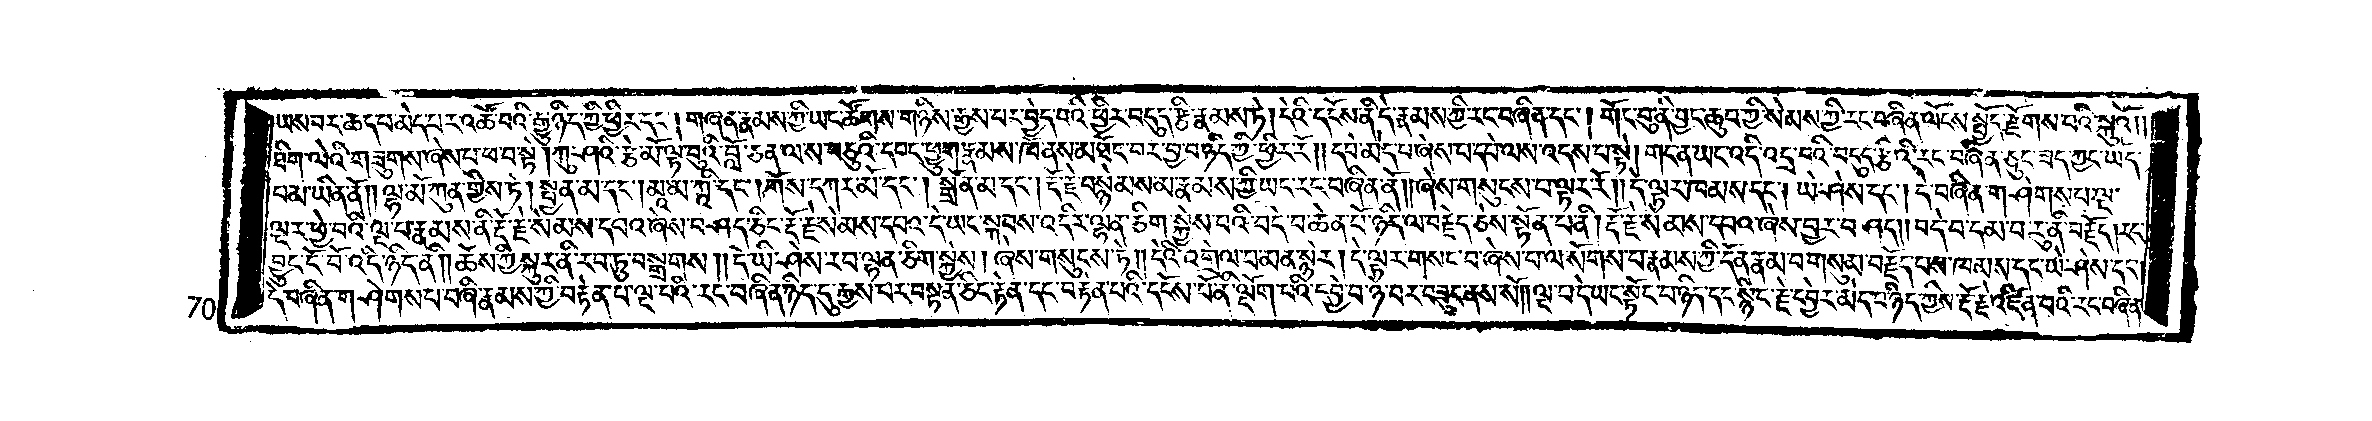ཡས་བར་ཆད་པ་མེད་པར་འཚོ་བའི་རྒྱུ་ཉིད་ཀྱི་ཕྱིར་དྣག། གཞན་རྣམས་ཀྱི་ཡང་ཚོགས་གཉིས་རྒྱས་པར་བྱེད་པའི་ཕྱིར་བདུད་རྩི་རྣམས་ཏེ། དེའི་དངོས་ནི་དེ་རྣམས་ཀྱི་རང་བཞིན་དང་། གོང་བུ་ནི་བྱང་ཆུབ་ཀྱི་སེམས་ཀྱི་རང་བཞིན་ལོངས་སྤྱོད་རྫོགས་པའི་སྐུའོ། །
ཐིག་ལེའི་གཟུགས་ཞེས་པ་ཕ་བ་སྟེ། ཀུ་ཤའི་རྩེ་མོ་ལྟ་བུའི་བློ་ཅན་ལ་ས་བཅུའི་དབང་ཕུག་རྣམས་ཁོ་ནས་མཐོང་བར་བྱ་བ་ཉིད་ཀྱི་ཕྱིར་རོ། །དཔེ་མེད་པ་ཞེས་པ་དཔེ་ལས་འདས་པ་སྟེ། གང་ན་ཡང་འདི་འདྲ་བའི་བདུད་རྩིའི་རང་བཞིན་ཅུང་ཟད་ཀྱང་ཡོད་
པ་མ་ཡིན་ནོ། །ལྷ་མོ་ཀུན་གྱིས་ཏེ། སྤྱན་མ་དང་། མཱ་མ་ཀའི་དང་། གོས་དཀར་མོ་དང་། སྒྲོན་མ་དང་། རྡོ་རྗེ་བསྙེམས་མ་རྣམས་ཀྱི་ཡང་རང་བཞིན་ནོ། །ཞེས་གསུངས་པ་ལྟར་རོ། །དེ་ལྟར་ཁམས་དང་། ཡེ་ཤེས་དང་། དེ་བཞིན་གཤེགས་པ་ལྔ་
ལྔར་ཕྱེ་བའི་ལྔ་པ་རྣམས་ནི་རྡོ་རྗེ་སེམས་དཔའ་ཞེས་བཤད་ཅིང་རྡོ་རྗེ་སེམས་དཔའ་དེ་ཡང་སྐབས་འདིར་ལྷན་ཅིག་སྐྱེས་པའི་བདེ་བ་ཆེན་པོ་ཉིད་ལ་བརྗེད་ཅེས་སྟོན་པ་ནི། རྡོ་རྗེ་སེམས་དཔའ་ཞེས་བྱར་བཤད། །བདེ་བ་དམ་པ་རུ་ནི་བརྗོད། རང་
བྱུང་ངོ་བོ་འདི་ཉིད་ནི། །ཆོས་ཀྱི་སྐུར་ནི་རབ་ཏུ་བསྒྲགས། །དེ་ཡི་ཤེས་རབ་ལྷན་ཅིག་སྐྱེས། ཞེས་གསུངས་ཏེ། །དེའི་འགྲེལ་བ་མན་སྙེར། དེ་ལྟར་གསང་བ་ཞེས་པ་ལ་སོགས་པ་རྣམས་ཀྱི་དོན་རྣམ་པ་གསུམ་བརྗོད་པས་ཁམས་དང་ཡེ་ཤེས་དང་།
དེ་བཞིན་གཤེགས་པ་བཞི་རྣམས་ཀྱི་བརྟེན་པ་ལྔ་བའི་རང་བཞིན་ཉིད་དུ་རྒྱས་པར་བསྟན་ཅིང་རྟེན་དང་བརྟེན་པའི་དངོས་པོ་ནི་ལྡོག་པའི་དབྱེ་བ་ཉེ་བར་བཟུང་ནས་སོ། །ལྔ་པ་དེ་ཡང་སྟོང་པ་ཉིད་དང་སྙིང་རྗེ་དབྱེར་མེད་པ་ཉིད་ཀྱིས་རྡོ་རྗེ་འཛིན་པའི་རང་བཞིན་